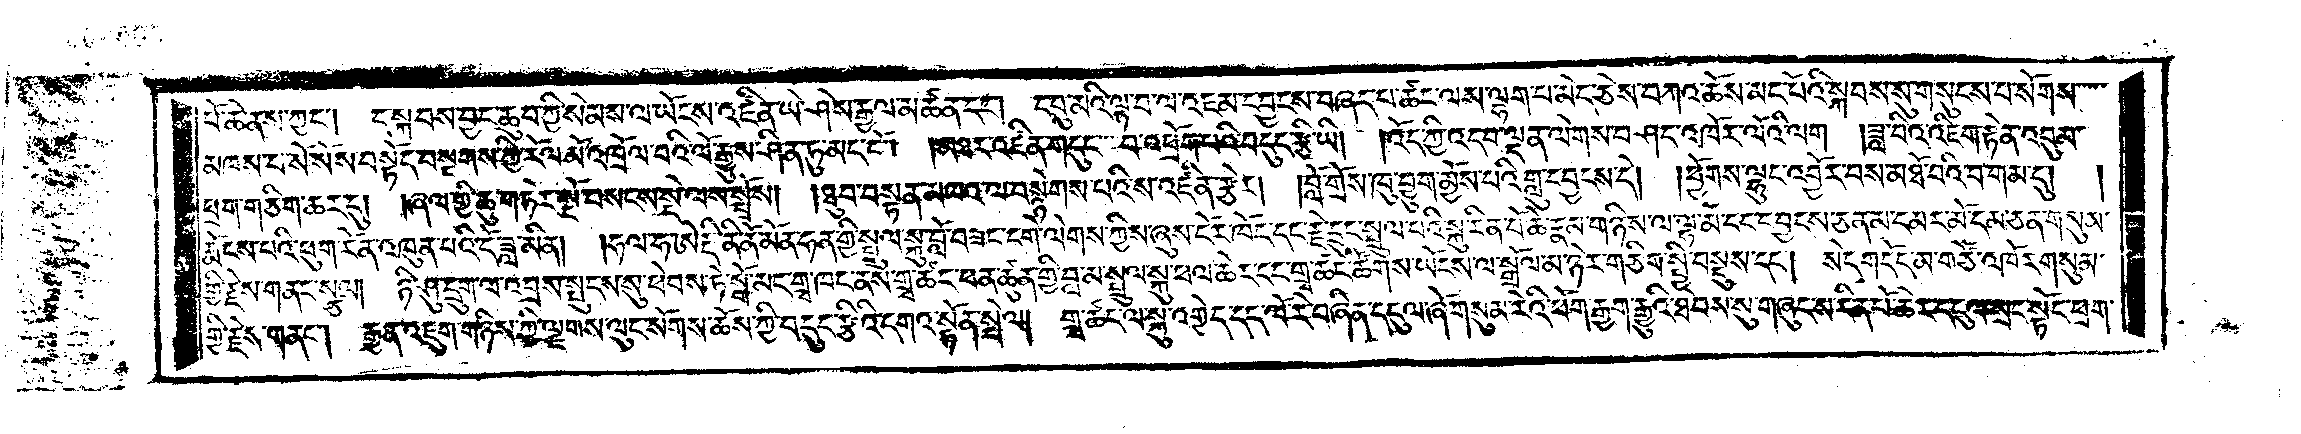པོ་ཆེ་ནས་ཀྱང་། ད་སྐབས་བྱང་ཆུབ་ཀྱི་སེམས་ལ་ཡོངས་འཛིན་ཡེ་ཤེས་རྒྱལ་མཚན་དང་། དབུ་མའི་ལྟ་བ་ལ་འཇམ་དབྱངས་བཞད་པ་ཚང་ལས་ལྷག་པ་མེད་ཅེས་བཀའ་ཆོས་མང་པོའི་སྐབས་སུ་གསུངས་པ་སོགས་
མཁས་པ་སོ་སོས་བསྟོད་བསྔགས་ཀྱི་རོལ་མོ་འཁྲོལ་བའི་ལོ་རྒྱུས་ཤིན་ཏུ་མང་ངོ། །མཐར་འཛིན་གདུང་བ་འཕྲོག་པའི་བདུད་རྩི་ཡི། །འོད་ཀྱི་འདབ་ལྡན་ལེགས་བཤད་འཁོར་ལོའི་ལག །ཟླ་བའི་འཇིག་རྟེན་འབུམ་
ཕྲག་གཅིག་ཆར་དུ། །ཞལ་གྱི་ཆུ་གཏེར་སྔོ་བསངས་སྡེ་ལས་སྤྲོས། །ཐུབ་བསྟན་མཁའ་ལ་བསྙེགས་པའི་ས་འཛིན་རྩེར། །བློ་གྲོས་ཁུ་བྱུག་མྱོས་པའི་གླུ་དབྱངས་དེ། །ཕྱོགས་ལྷུང་འབྱོར་བས་མཐོ་བའི་བ་གམ་དུ། །
རྨོངས་པའི་ཕུག་རོན་འཁུན་པའི་དོ་ཟླ་མིན། །ཧལ་ཧ་ཨེ་རྡི་ནི་ནོ་མོན་ཧན་གྱི་སྤྲུལ་སྐུ་བློ་བཟང་དགེ་ལེགས་ཀྱིས་ཞུས་ངོར་ཁོང་དང་རྗེ་དྲུང་སྤྲུལ་བའི་སྐུ་རིན་པོ་ཆེ་རྣམ་གཉིས་ལ་ལྷ་མོ་དང་དབྱངས་ཅན་མ་དམར་མོ་དམ་ཅན་གསུམ་
གྱི་རྗེས་གནང་སྩལ། ཉི་ཤུ་དྲུག་ལ་འབྲས་སྤུངས་སུ་ཕེབས་ཏེ་སྒོ་མང་གྲྭ་ཁང་ནས་གྲྭ་ཚང་ཕན་ཚུན་གྱི་བླ་མ་སྤྲུལ་སྐུ་ཕལ་ཆེར་དང་གྲྭ་ཚང་ཚོགས་ཡོངས་ལ་སྒྲོལ་མ་ཉེར་གཅིག་སྤྱི་བསྡུས་དང་། སེད་གདོང་མ་གཙོ་འཁོར་གསུམ་
གྱི་རྗེས་གནང་། རྒྱན་འཇུག་གཉིས་ཀྱི་ལྗགས་ལུང་སོགས་ཆོས་ཀྱི་བདུད་རྩིའི་དགའ་སྟོན་སྤེལ། གྲྭ་ཚང་ལ་སྐུ་འགྱེད་དང་ལོ་རེ་བཞིན་དངུལ་ཞོ་གསུམ་རེའི་ཕོག་རྒྱག་རྒྱུའི་ཐེབས་སུ་གཞུང་ས་རིན་པོ་ཆེར་དངུལ་རང་སྟོང་ཕྲག་